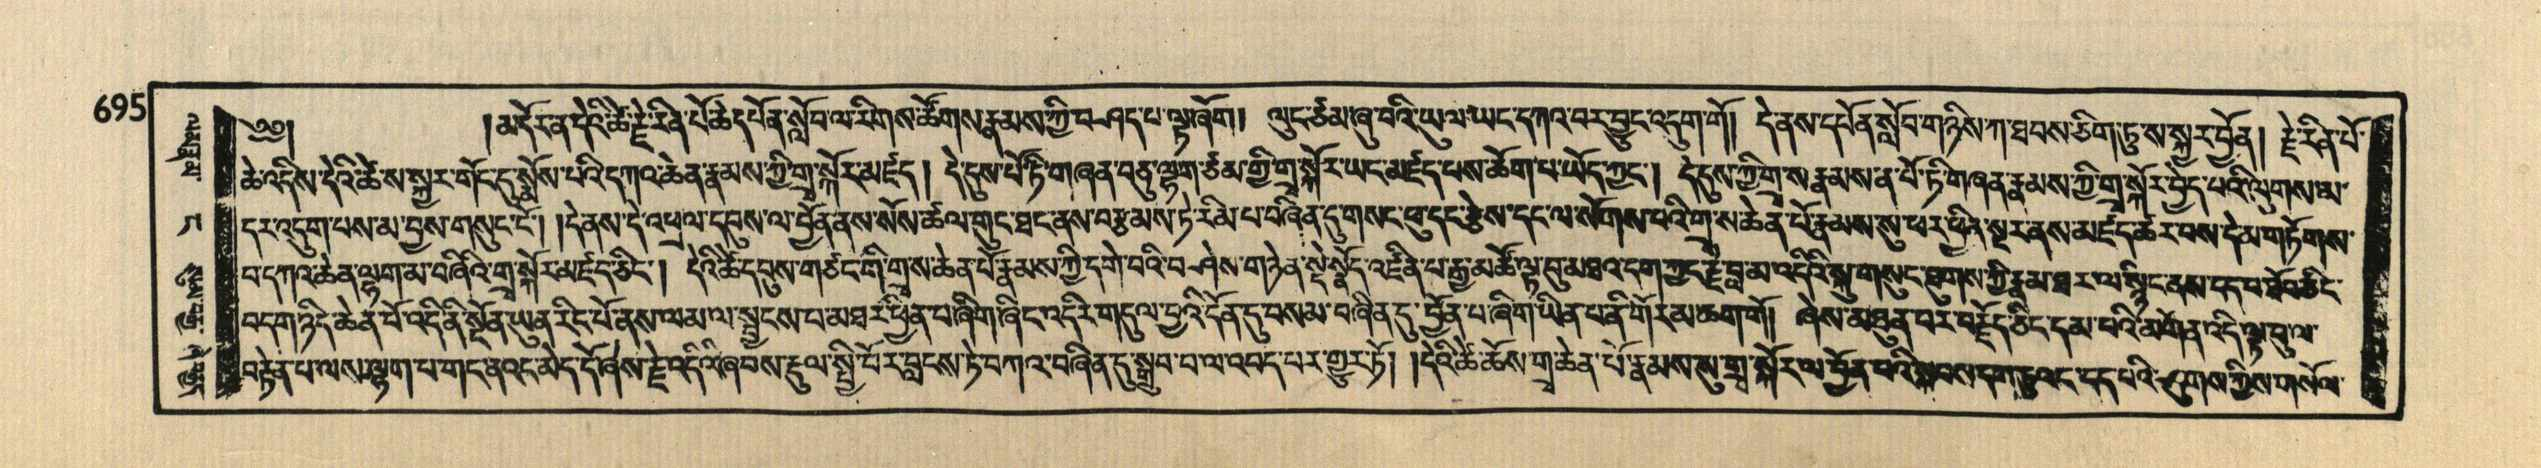༄༅། །མདོར་ན་དེའི་ཚེ་རྗེ་རིན་པོ་ཆེ་དཔོན་སློབ་ལ་རིགས་ཚོགས་རྣམས་ཀྱི་བཤད་པ་ལྟ་ཞོག། ལུང་ཙམ་ཞུ་བའི་ཡུལ་ཡང་དཀའ་བར་བྱུང་འདུག་གོ། དེ་ནས་དཔོན་སློབ་གཉིས་ཀ་ཐབས་ཅིག་ཏུ་ས་སྐྱར་བྱོན། རྗེ་རིན་པོ་
ཆེ་འདིས་དེའི་ཚེ་ས་སྐྱར་གོང་དུ་སྨོས་པའི་དཀའ་ཆེན་རྣམས་ཀྱི་གྲྭ་སྐོར་མཛད། དེ་དུས་པོ་ཏི་གཞན་བཅུ་ལྷག་ཙམ་གྱི་གྲྭ་སྐོར་ཡང་མཛད་པས་ཆོག་པ་ཡོད་ཀྱང་། དེ་དུས་ཀྱི་གྲྭ་ས་རྣམས་ན་པོ་ཏི་གཞན་རྣམས་ཀྱི་གྲྭ་སྐོར་བྱེད་པའི་ལུགས་མ་
དར་འདུག་པས་མ་བྱས་གསུང་ངོ། །དེ་ནས་དེ་འཕྲལ་དབུས་ལ་བྱོན་ནས་སོས་ཚལ་གུང་ཐང་ནས་བརྩམས་ཏེ་རིམ་པ་བཞིན་དུ་གསང་ཕུ་དང་རྩེས་དང་ལ་སོགས་པའི་གྲྭ་ས་ཆེན་པོ་རྣམས་སུ་ཕར་ཕྱིན་སྔར་ནས་མཛད་ཚར་བས་དེ་མ་གཏོགས་
བ་དཀའ་ཆེན་ལྷག་མ་བཞིའི་གྲྭ་སྐོར་མཛད་ཅིང་། དེའི་ཚེ་དབུས་གཙང་གི་གྲྭ་ས་ཆེན་པོ་རྣམས་ཀྱི་དགེ་བའི་བཤེས་གཉེན་སྡེ་སྣོད་འཛིན་པ་རྒྱ་མཚོ་ལྟ་བུ་མཐའ་དག་ཀྱང་རྗེ་བླ་མ་འདིའི་སྐུ་གསུང་ཐུགས་ཀྱི་རྣམ་ཐར་ལ་སྙིང་ནས་ངད་པ་ཐོབ་ཅིང་
བདག་ཉིད་ཆེན་པོ་འདི་ནི་སྔོན་ཡུན་རིང་པོ་ནས་ལམ་ལ་སྦྱངས་པ་མཐར་ཕྱིན་པ་ཞིག་ཞིང་འདིར་གདུལ་བྱའི་དོན་དུ་བསམ་བཞིན་དུ་བྱོན་པ་ཞིག་ཡིན་པ་ནི་གོར་མ་ཆག་གོ། ཞེས་མཐུན་བར་བརྗོད་ཅིང་དམ་པའི་མགོན་འདི་ལྟ་བུ་ལ་
བརྟེན་པ་ལས་ལྷག་པ་གང་ནའང་མེད་དོ་ཞེས་རྗེ་འདིའི་ཞབས་རྡུལ་སྤྱི་བོར་བླངས་ཏེ་བཀའ་བཞིན་དུ་སྒྲུབ་བ་ལ་འབད་པར་གྱུར་ཏོ། །དེའི་ཚེ་ཆོས་གྲྭ་ཆེན་པོ་རྣམས་སུ་གྲྭ་སྐོར་ལ་བྱོན་པའི་སྐབས་དག་ཏུའང་དད་པའི་ཤུགས་ཀྱིས་གསོལ་